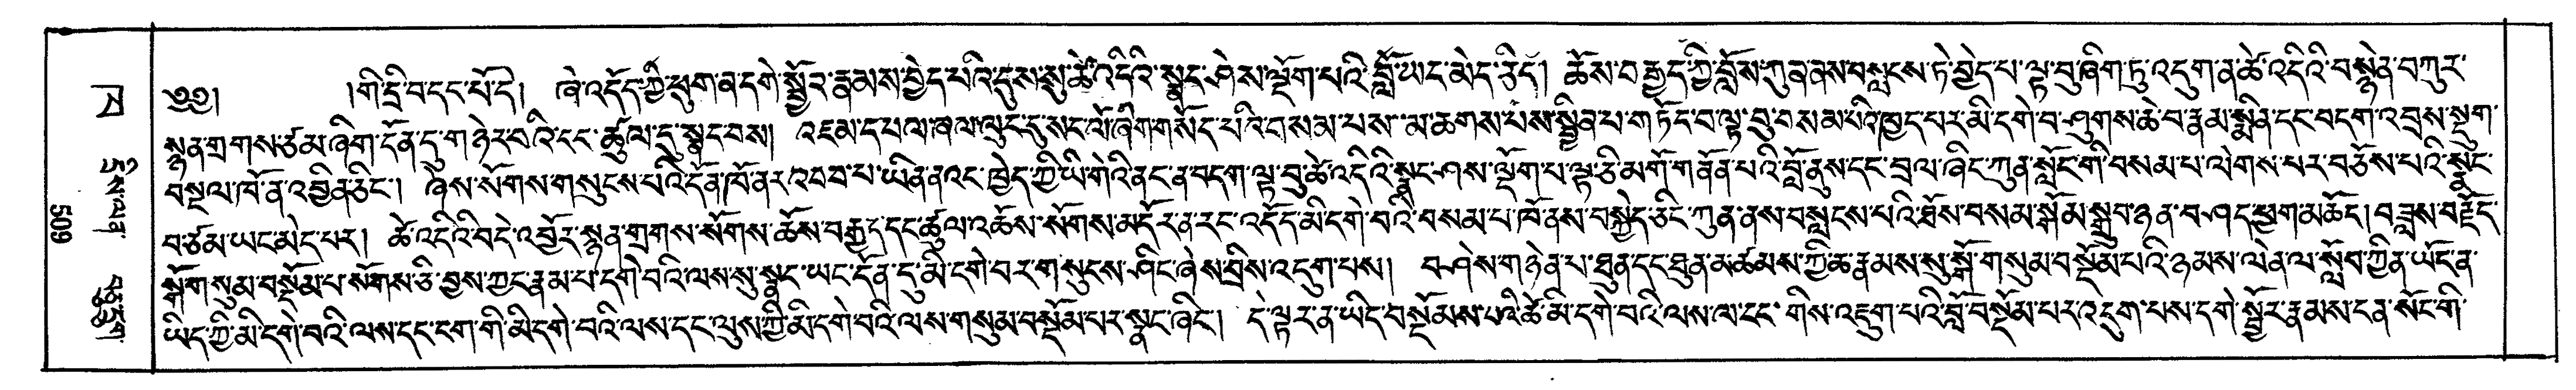༄༅། །གི་དྲི་བ་དང་པོ་དེ། ཞེ་འདོད་ཀྱི་ཕུག་ན་དགེ་སྦྱོར་རྣམས་བྱེད་པའི་དུས་སུ་ཚེ་འདིའི་སྣང་ཤས་ལྡོག་པའི་བློ་ཡང་མེད་ཅིང་། ཆོས་བརྒྱད་ཀྱི་བློས་ཀུན་ནས་བསླངས་ཏེ་བྱེད་པ་ལྟ་བུ་ཞིག་ཏུ་འདུག་ན་ཚེ་འདིའི་བསྙེན་བཀུར་
སྙན་གྲགས་ཙམ་ཞིག་དོན་དུ་གཉེར་བའི་ངང་ཚུལ་དུ་སྣང་པས། འཇམ་དཔལ་ཞལ་ལུང་དུ་མང་པོ་ཞིག་གསོད་པའི་བསམ་པས་མ་ཆགས་པས་སྦྱིན་པ་གཏོང་བ་ལྟ་བུ་བསམ་པའི་ཁྱད་པར་མི་དགེ་བ་ཤུགས་ཆེ་བ་རྣམ་སྨིན་དང་བདག་འབྲས་སྡུག་
བསྔལ་ཁོ་ན་འབྱིན་ཅིང་། ཞེས་སོགས་གསུངས་པའི་དོན་ཁོ་ནར་འབབ་པ་ཡིན་ནའང་ཁྱེད་ཀྱི་ཡི་གེའི་ནང་ན་བདག་ལྟ་བུ་ཚེ་འདིའི་སྣང་ཤས་ལྡོག་པ་ལྟ་ཅི་མགོ་གནོན་པའི་བློ་ནུས་དང་བྲལ་ཞིང་ཀུན་སློང་གི་བསམ་པ་ལེགས་པར་བཅོས་པའི་སྣང་
བ་ཙམ་ཡང་མེད་པར། ཚེ་འདིའི་བདེ་འབྱོར་སྙན་གྲགས་སོགས་ཆོས་བརྒྱད་དང་ཚུལ་འཆོས་སོགས་མདོར་ན་རང་འདོད་མི་དགེ་བའི་བསམ་པ་ཁོ་ནས་བསྐྱེད་ཅིང་ཀུན་ནས་བསླངས་པའི་ཐོས་བསམ་སྒོམ་སྒྲུབ་ཉན་བཤད་ཕྱག་མཆོད། བཟླས་བརྗོད་
སྒོ་གསུམ་བསྡོམ་པ་སོགས་ཅི་བྱས་ཀྱང་རྣམ་པ་དགེ་བའི་ལས་སུ་སྣང་ཡང་དོན་དུ་མི་དགེ་བར་གསུངས་ཤིང་ཞེས་བྲིས་འདུག་པས། བཤེས་གཉེན་པ་ཐུན་དང་ཐུན་མཚམས་ཀྱི་ཆ་རྣམས་སུ་སྒོ་གསུམ་བསྡོམ་པའི་ཉམས་ལེན་ལ་སློབ་ཀྱིན་ཡོང་ན་
ཡིད་ཀྱི་མི་དགེ་བའི་ལས་དང་ངག་གི་མི་དགེ་བའི་ལས་དང་ལུས་ཀྱི་མི་དགེ་བའི་ལས་གསུམ་བསྡོམ་པར་སྣང་ཞིང་། དེ་ལྟར་ན་ཡིད་བསྡོམ་པ་དེའི་ཚེ་མི་དགེ་བའི་ལས་ལ་དང་གིས་འཇུག་པའི་བློ་བསྔོམ་པར་འདུག་པས་དགེ་སྦྱོར་རྣམས་ངན་སོང་གི་